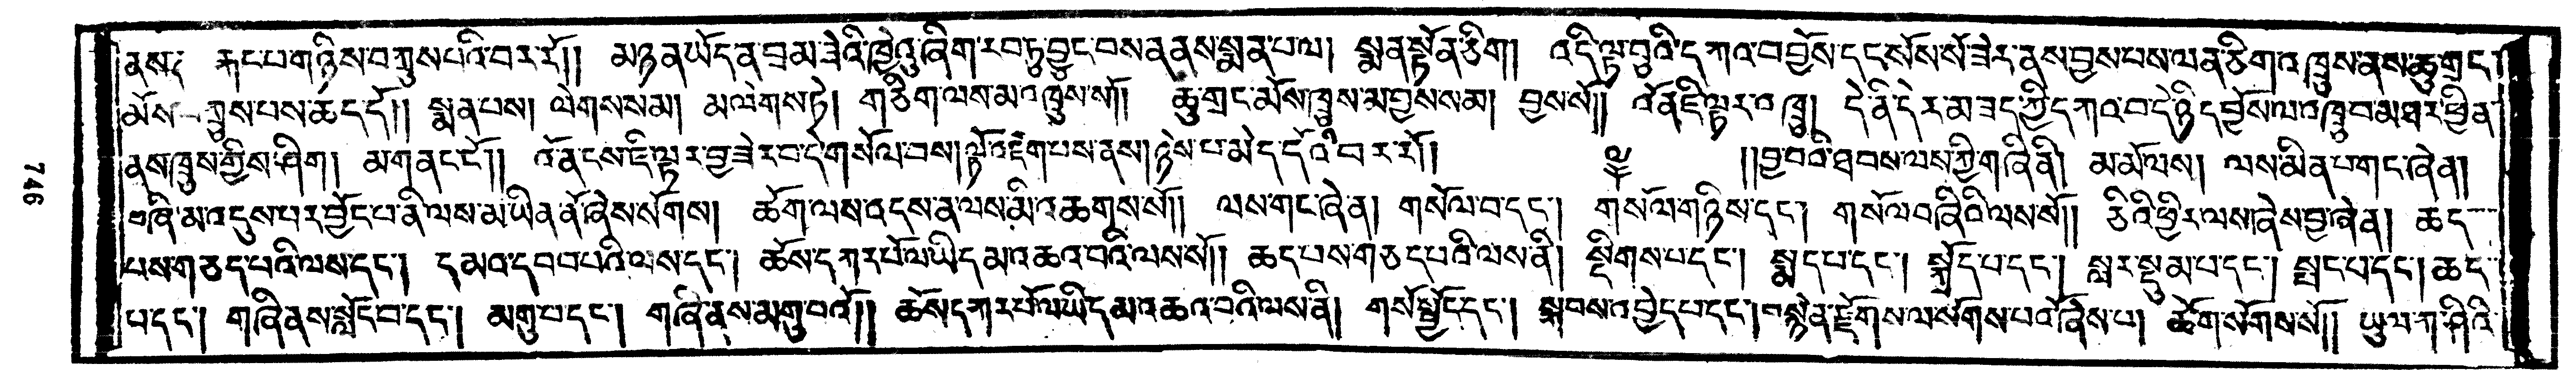ནས༑ རྐང་པ་གཉིས་བཀྲུས་པའི་བར་རོ།། མཉན་ཡོད་ན་བྲམ་ཟེའི་ཁྱེའུ་ཞིག་རབ་ཏུ་བྱུང་བས་ན་ནས་སྨན་པ་ལ། སྨན་སྟོན་ཅིག། འདི་ལྟ་བུའི་དཀའ་བ་བྱོས་དང་སོས་སོ་ཟེར་ནས་བྱས་པས་ལན་ཅིག་འཁྲུས་ནས་ཆུ་གྲང་
མོས་བཀྲུས་པས་ཆ་དོ། །སྨན་པས། ལེགས་སམ། མ་ལེགས་ཏེ། གཅིག་ལས་མ་འཁྲུས་སོ།། ཆུ་གྲང་མོས་ཁྲུས་མ་བྱས་སམ། བྱས་སོ། །འོན་ཇི་ལྟར་འཁྲུ། དེ་ནི་དེར་མ་ཟད་ཀྱི་དཀའ་བ་དེ་ཉིད་བྱོས་ལ་འཁྲུབ་མཐར་ཕྱིན་
ནས་ཁྲུས་གྱིས་ཤིག། མ་གནང་ངོ།། འོ་ན་ངས་ཇི་ལྟར་བྱ་ཟེར་བ་དེ་གསོལ་བས། ལྟོ་འཛག་པས་ནས། ཉེས་པ་མེད་དོའི་བར་རོ།། ༈ །།བྱ་བའི་ཐབས་ལས་ཀྱི་གཞི་ནི། མ་མོ་ལས། ལས་མིན་པ་གང་ཞེན།
བཞི་མ་འདུས་པར་བྱོང་པ་ནི་ལས་མ་ཡིན་ནོ་ཞེས་སོགས། ཆོག་ལས་འདས་ན་ལས་མི་འཆགས་སོ།། ལས་གང་ཞེ་ན། གསོལ་བ་དང་། གསོལ་གཉིས་དང་། གསོལ་བཞིའི་ལས་སོ།། ཅིའི་ཕྱིར་ལས་ཞེས་བྱ་ཞེ་ན། ཆད་
པས་གཅད་པའི་ལས་དང་། དམའ་དབབ་པའི་ལས་དང་། ཆོས་དཀར་པོ་ལ་ཡི་དམ་འཆའ་བའི་ལས་སོ།། ཆད་པས་གཅད་པའི་ལས་ནི། སྡིགས་པ་དང་། སྨད་པ་དང་། སྐྲོད་པ་དང་། སླར་སྡུམ་པ་དང་། སྤང་པ་དང་། ཆད་
པ་དང་། གཞི་ནས་སློང་བ་དང་། མགུ་པ་དང་། གཞི་ནས་མགུ་བའོ།། ཆོས་དཀར་པོ་ལ་ཡི་དམ་འཆའ་བའི་ལས་ནི། གསོ་སྦྱོང་དང་། སྐབས་འབྱེད་པ་དང་། བསྙེན་རྫོགས་ལ་སོགས་པའོ་ཞེས་པ། ཆོ་ག་སོགས་སོ།། ཡུལ་ཀ་ཤིའི་